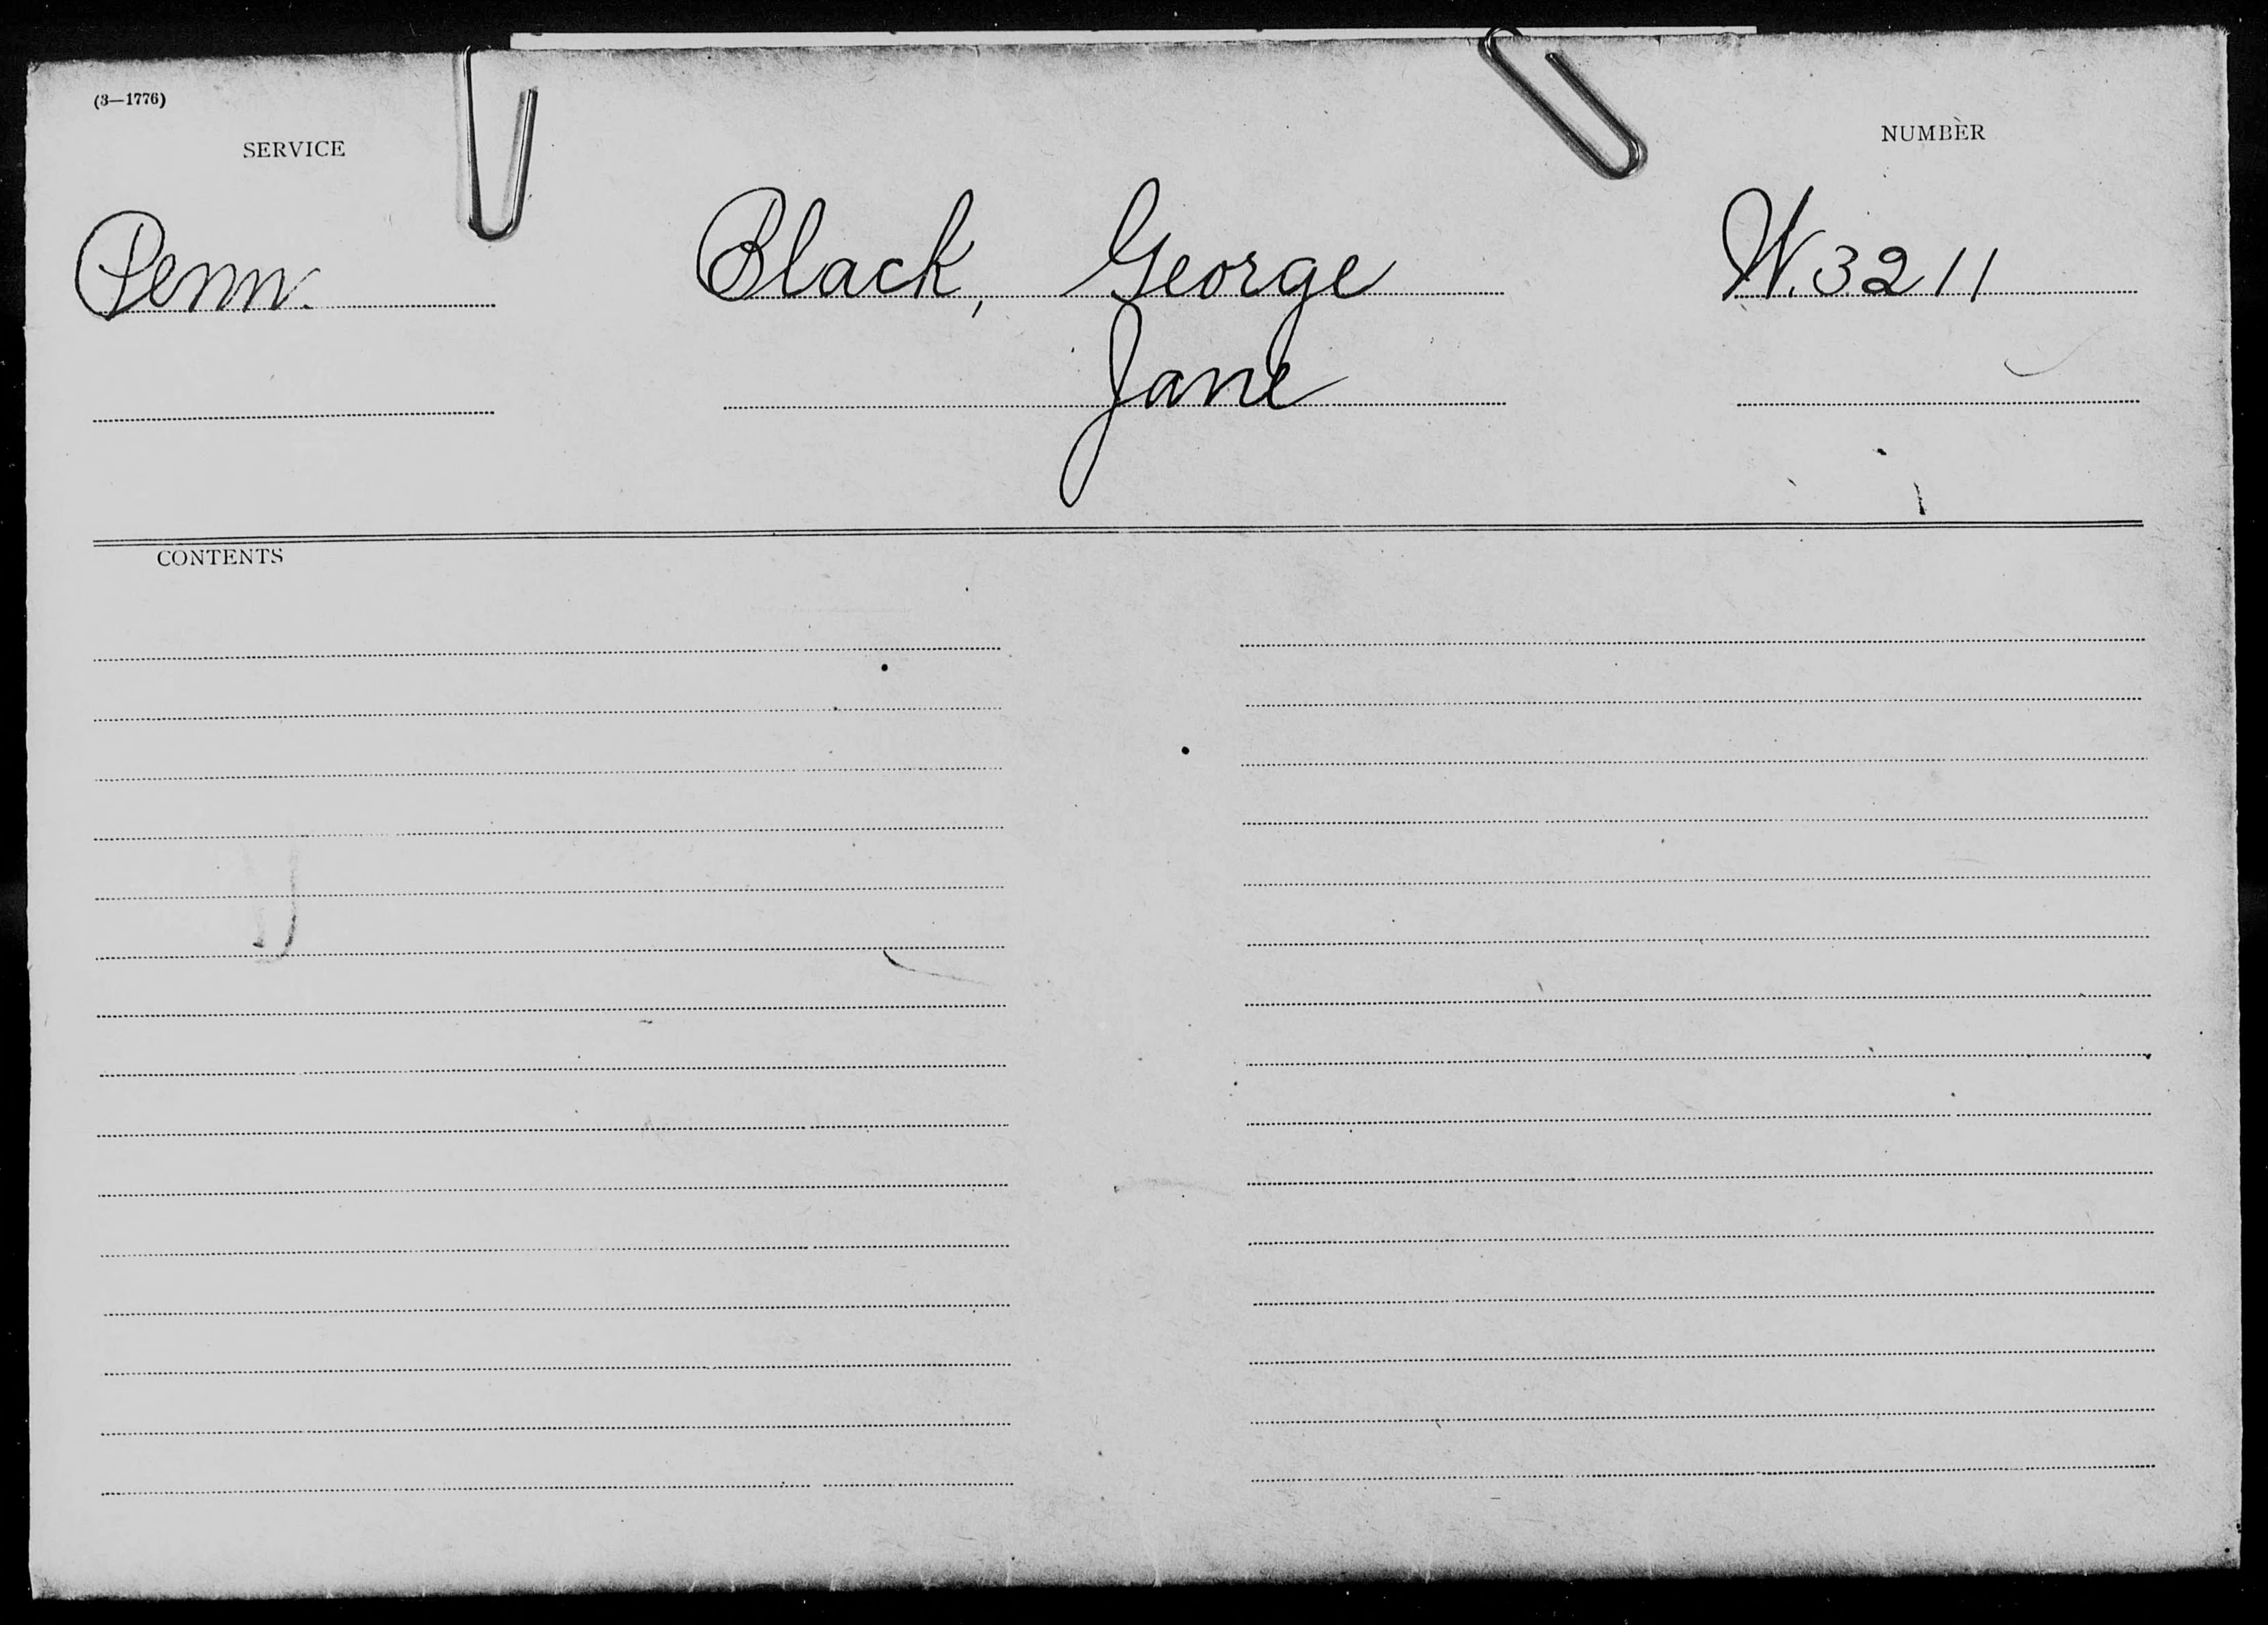(3-1776)
SERVICE
NUMBER
Penn.
Black, George
W. 3211
Jane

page: 1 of 30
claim: widow's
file: W. 3211, George Black, Penn.